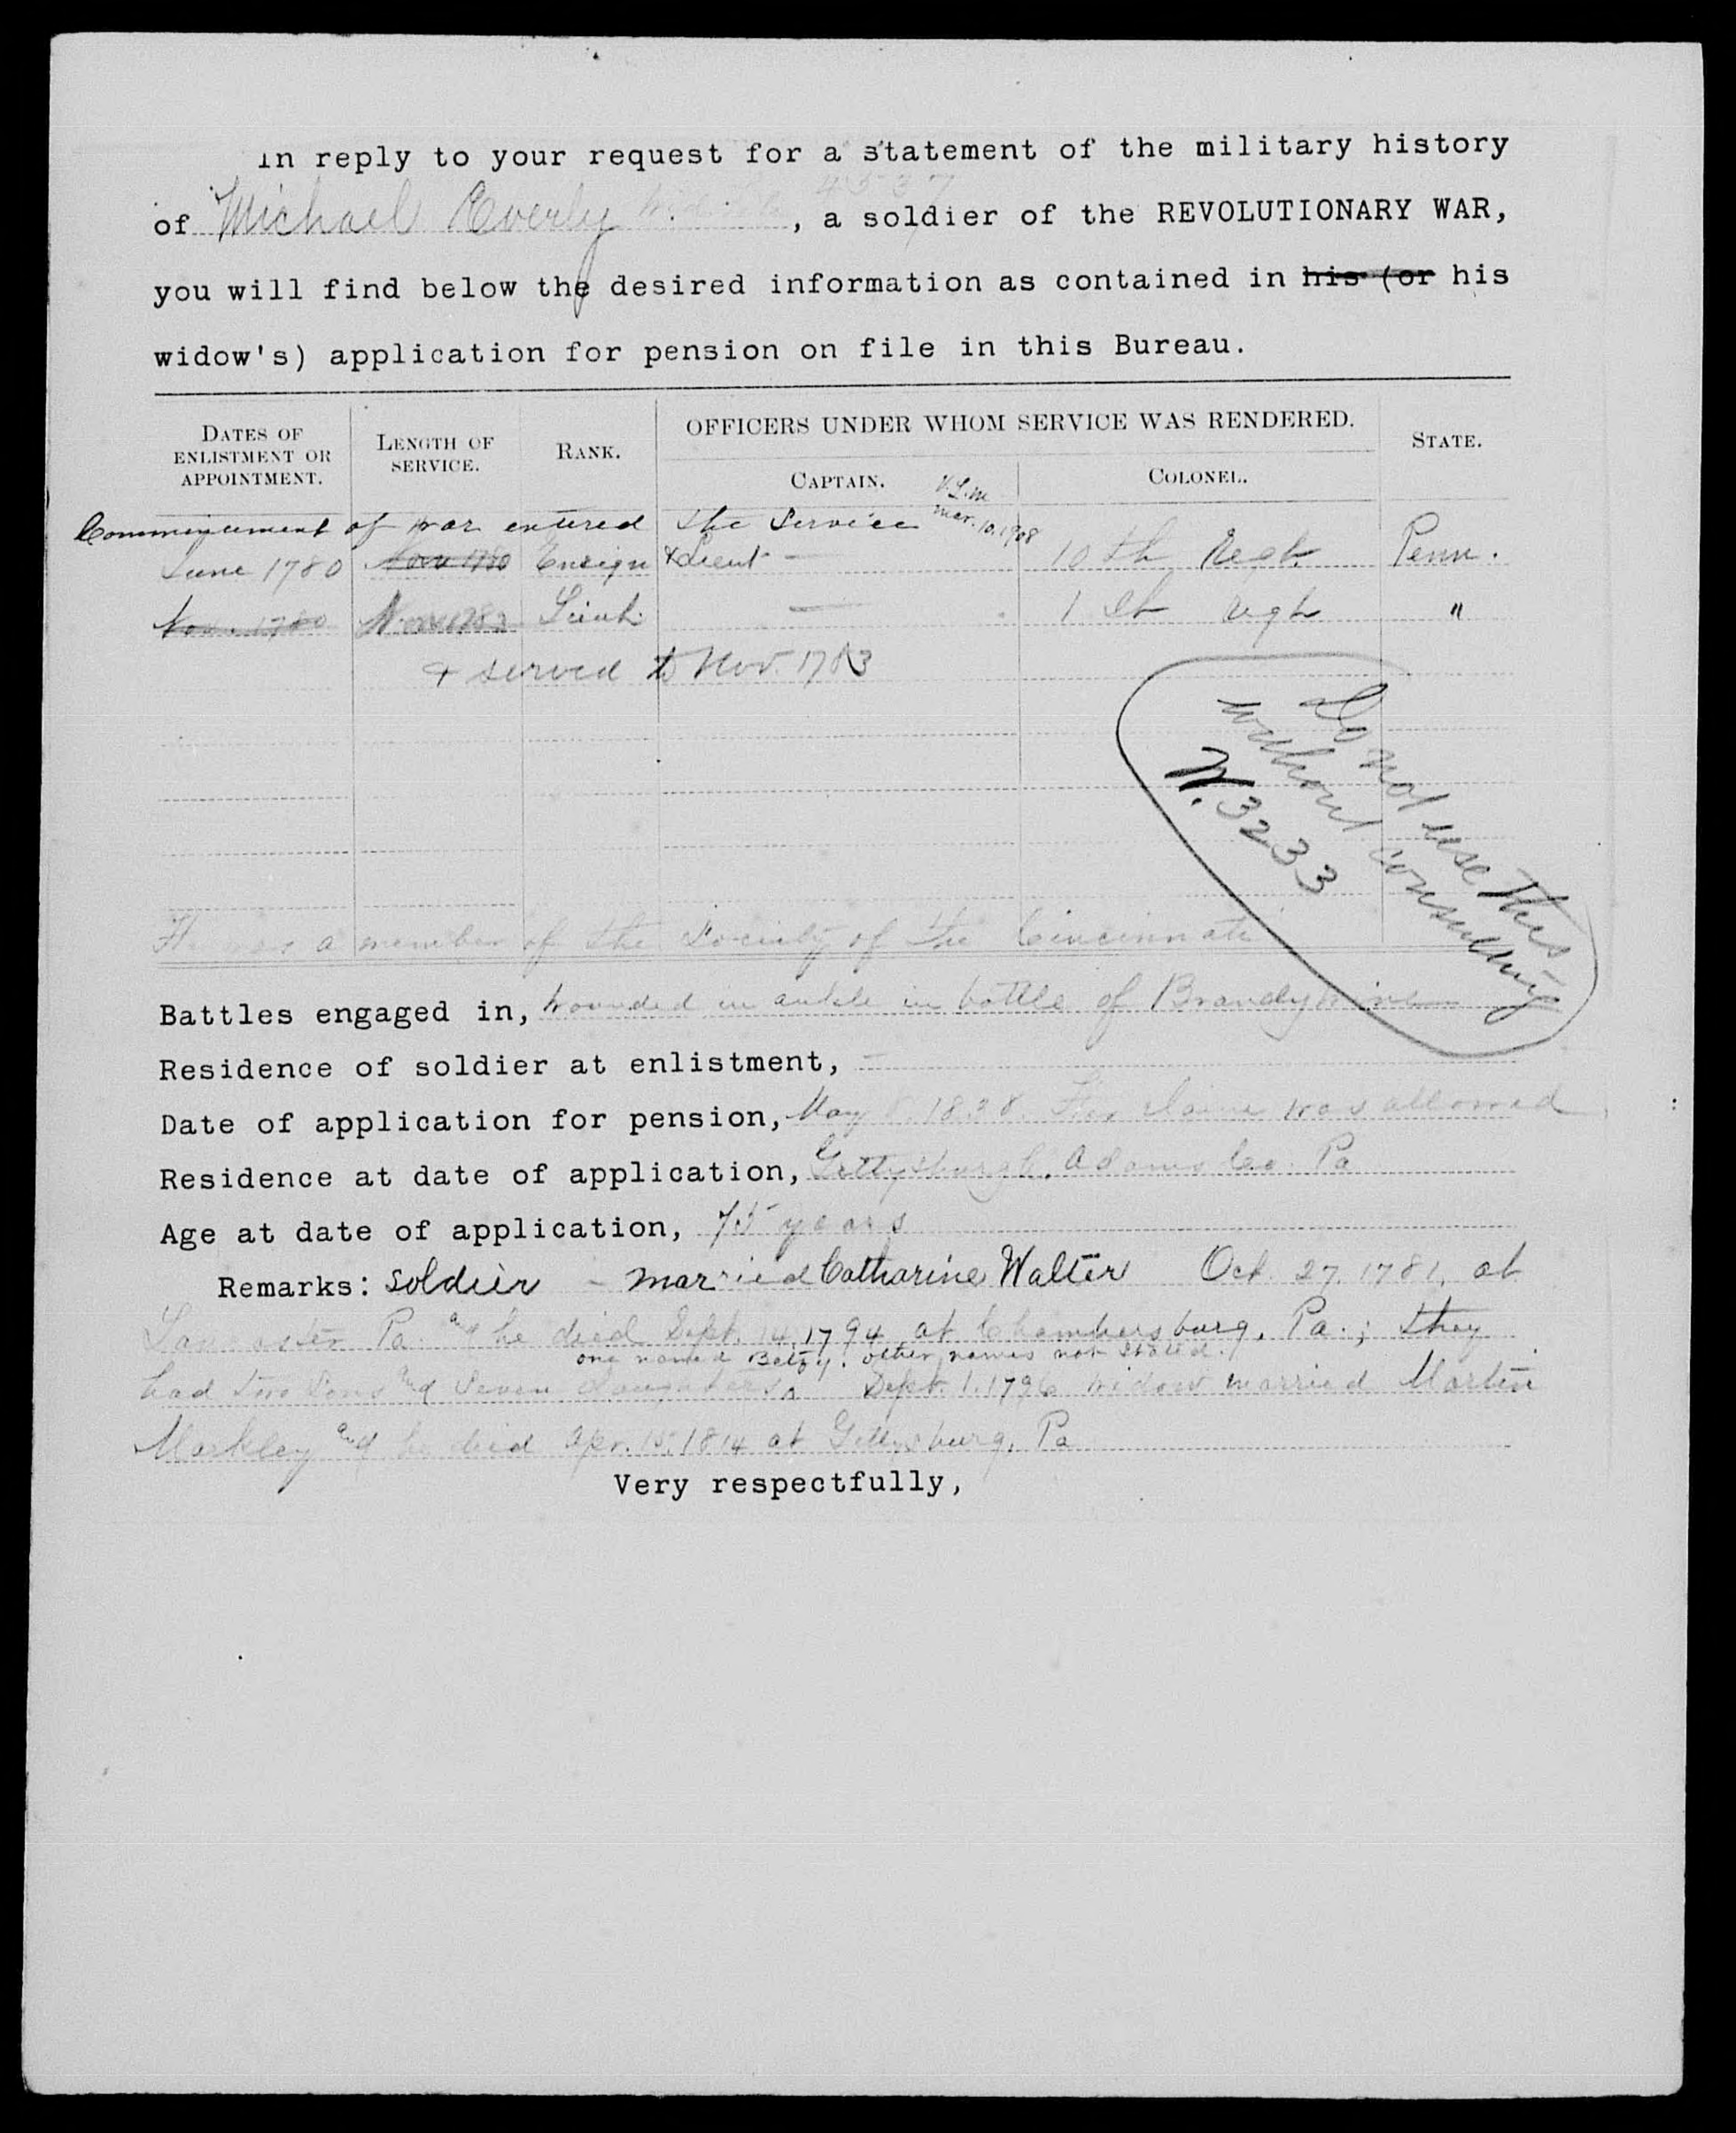n reply to your request for a statement of the military history
of Michael Everly M. a soldier of the REVOLUTIONARY WAR,
you will find below the desired information as contained in his (or his
widow's) application for pension on file in this Bureau.
DATES OF
ENLISTMENT OR
APPOINTMENT.
Comegument
June 1780
LENGTH OF
SERVICE.
RANK.
of or entered
┃ W
Ensign
Suchserved

CAPTAIN.
the service
& Lieutto

Nov. 1783
Son
the 10
OFFICERS UNDER WHOM SERVICE WAS RENDERED.
COLONEL.
10th Deck
It ugh
C
E
STATE.
Penn.
2
time a member of
the Society of the Cincinnate
The
Battles engaged in, bounded in an in battle of Brandy
Residence of soldier at enlistment,
Date of application for pension, May 1828 the same was allowed,
Residence at date of application, Letton, Adams Co. Pa.
Age at date of application, 7 years
Remarks: Soldier Married Catharine Walter Oct. 27, 1781, at
Lancaster Pa. he died Sept 7 at Chambersburg, Pa., they
had two sons and seven daughters Dept 1796 Widow married Martin
Markley and he died Apr 15 1814 at Gellsburg, Pa
Very respectfully,
R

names: Betsy, Catharine Walter, Michael Everly, Martin Markley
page: 11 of 31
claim: widow's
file: W. 4537, Michael Everly, Penn